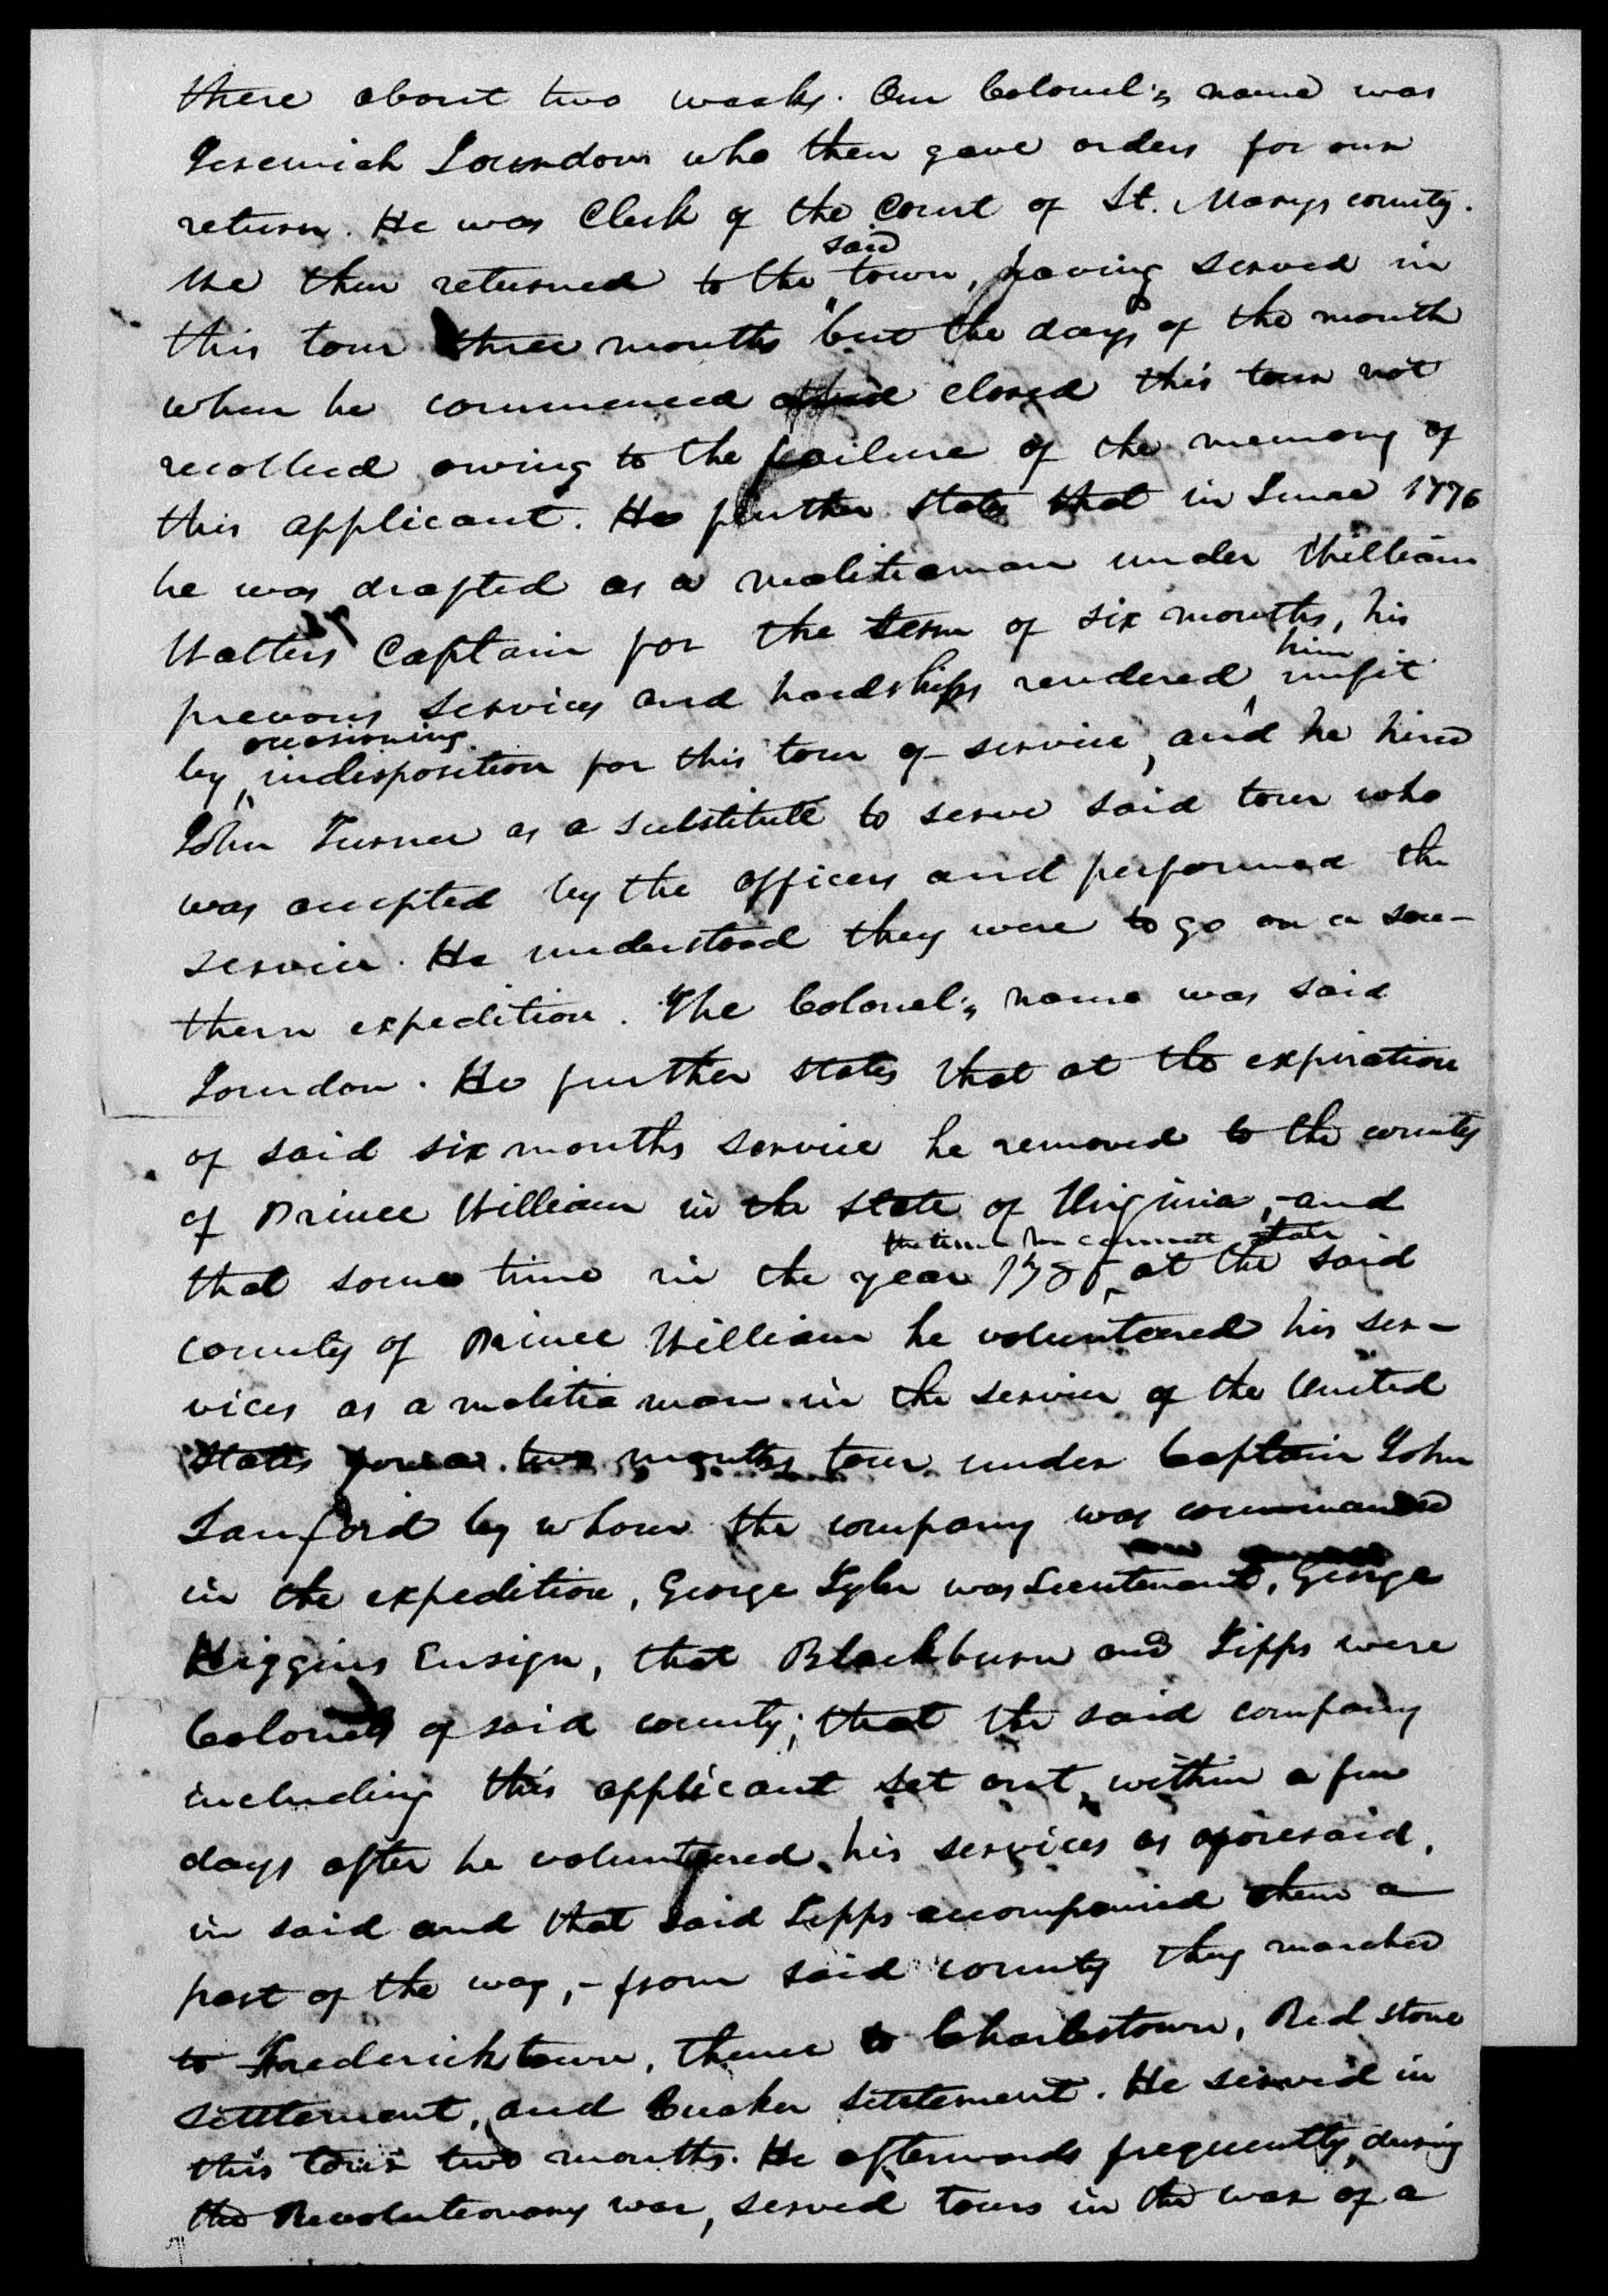there about two weeks. Our Colonel's name was Jeremiah Jourdon who then gave orders for our return. He was clerk of the court of St. Mary's County. We then returned to the said town having served in this tour three months but the days of the month when he commenced [illegible] closed this town not recollected owing to the failure of the memory of this applicant. He further states that in June 1776 he was drafted as a militiaman under William Walters captain for the term of six months, his previous services and hardships rendered him unfit by occasional indisposition for this tour of service and he hired John Turner as a substitute to serve said tour who was accepted by the officers and performed the service. He understood they were to go on a southern expedition. The Colone's name was said Jourdon. He further states that at the expiration of said six months service he removed to the county of Prince William in the State of Virginia and that sometime in the year 1780 at the said county of Prince William he volunteered his services as a militia man in the service of the United States his two month tour under Captain John Sanford by who's the company was commanded in the expedition George Tyler was Lieutenant, George Higgins Ensign, that Blackburn and Tipps were Colonels of said county; that the said company including this applicant set out within a few days after he volunteered his services as aforesaid in said and that said Tipps accompanied them a part of the way - from said county they marched to Frederick town thence to Charlestown, Red Stone settlement and Bucker Settlement. He served in this tour two months. He afterward frequently during the revolutionary war served tours in the war of a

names: George Higgins; George Tyler; William Walters; John Sanford; Jeremiah Jourdon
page: 7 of 18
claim: survivor's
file: S. 16,496, for William Oard, Maryland